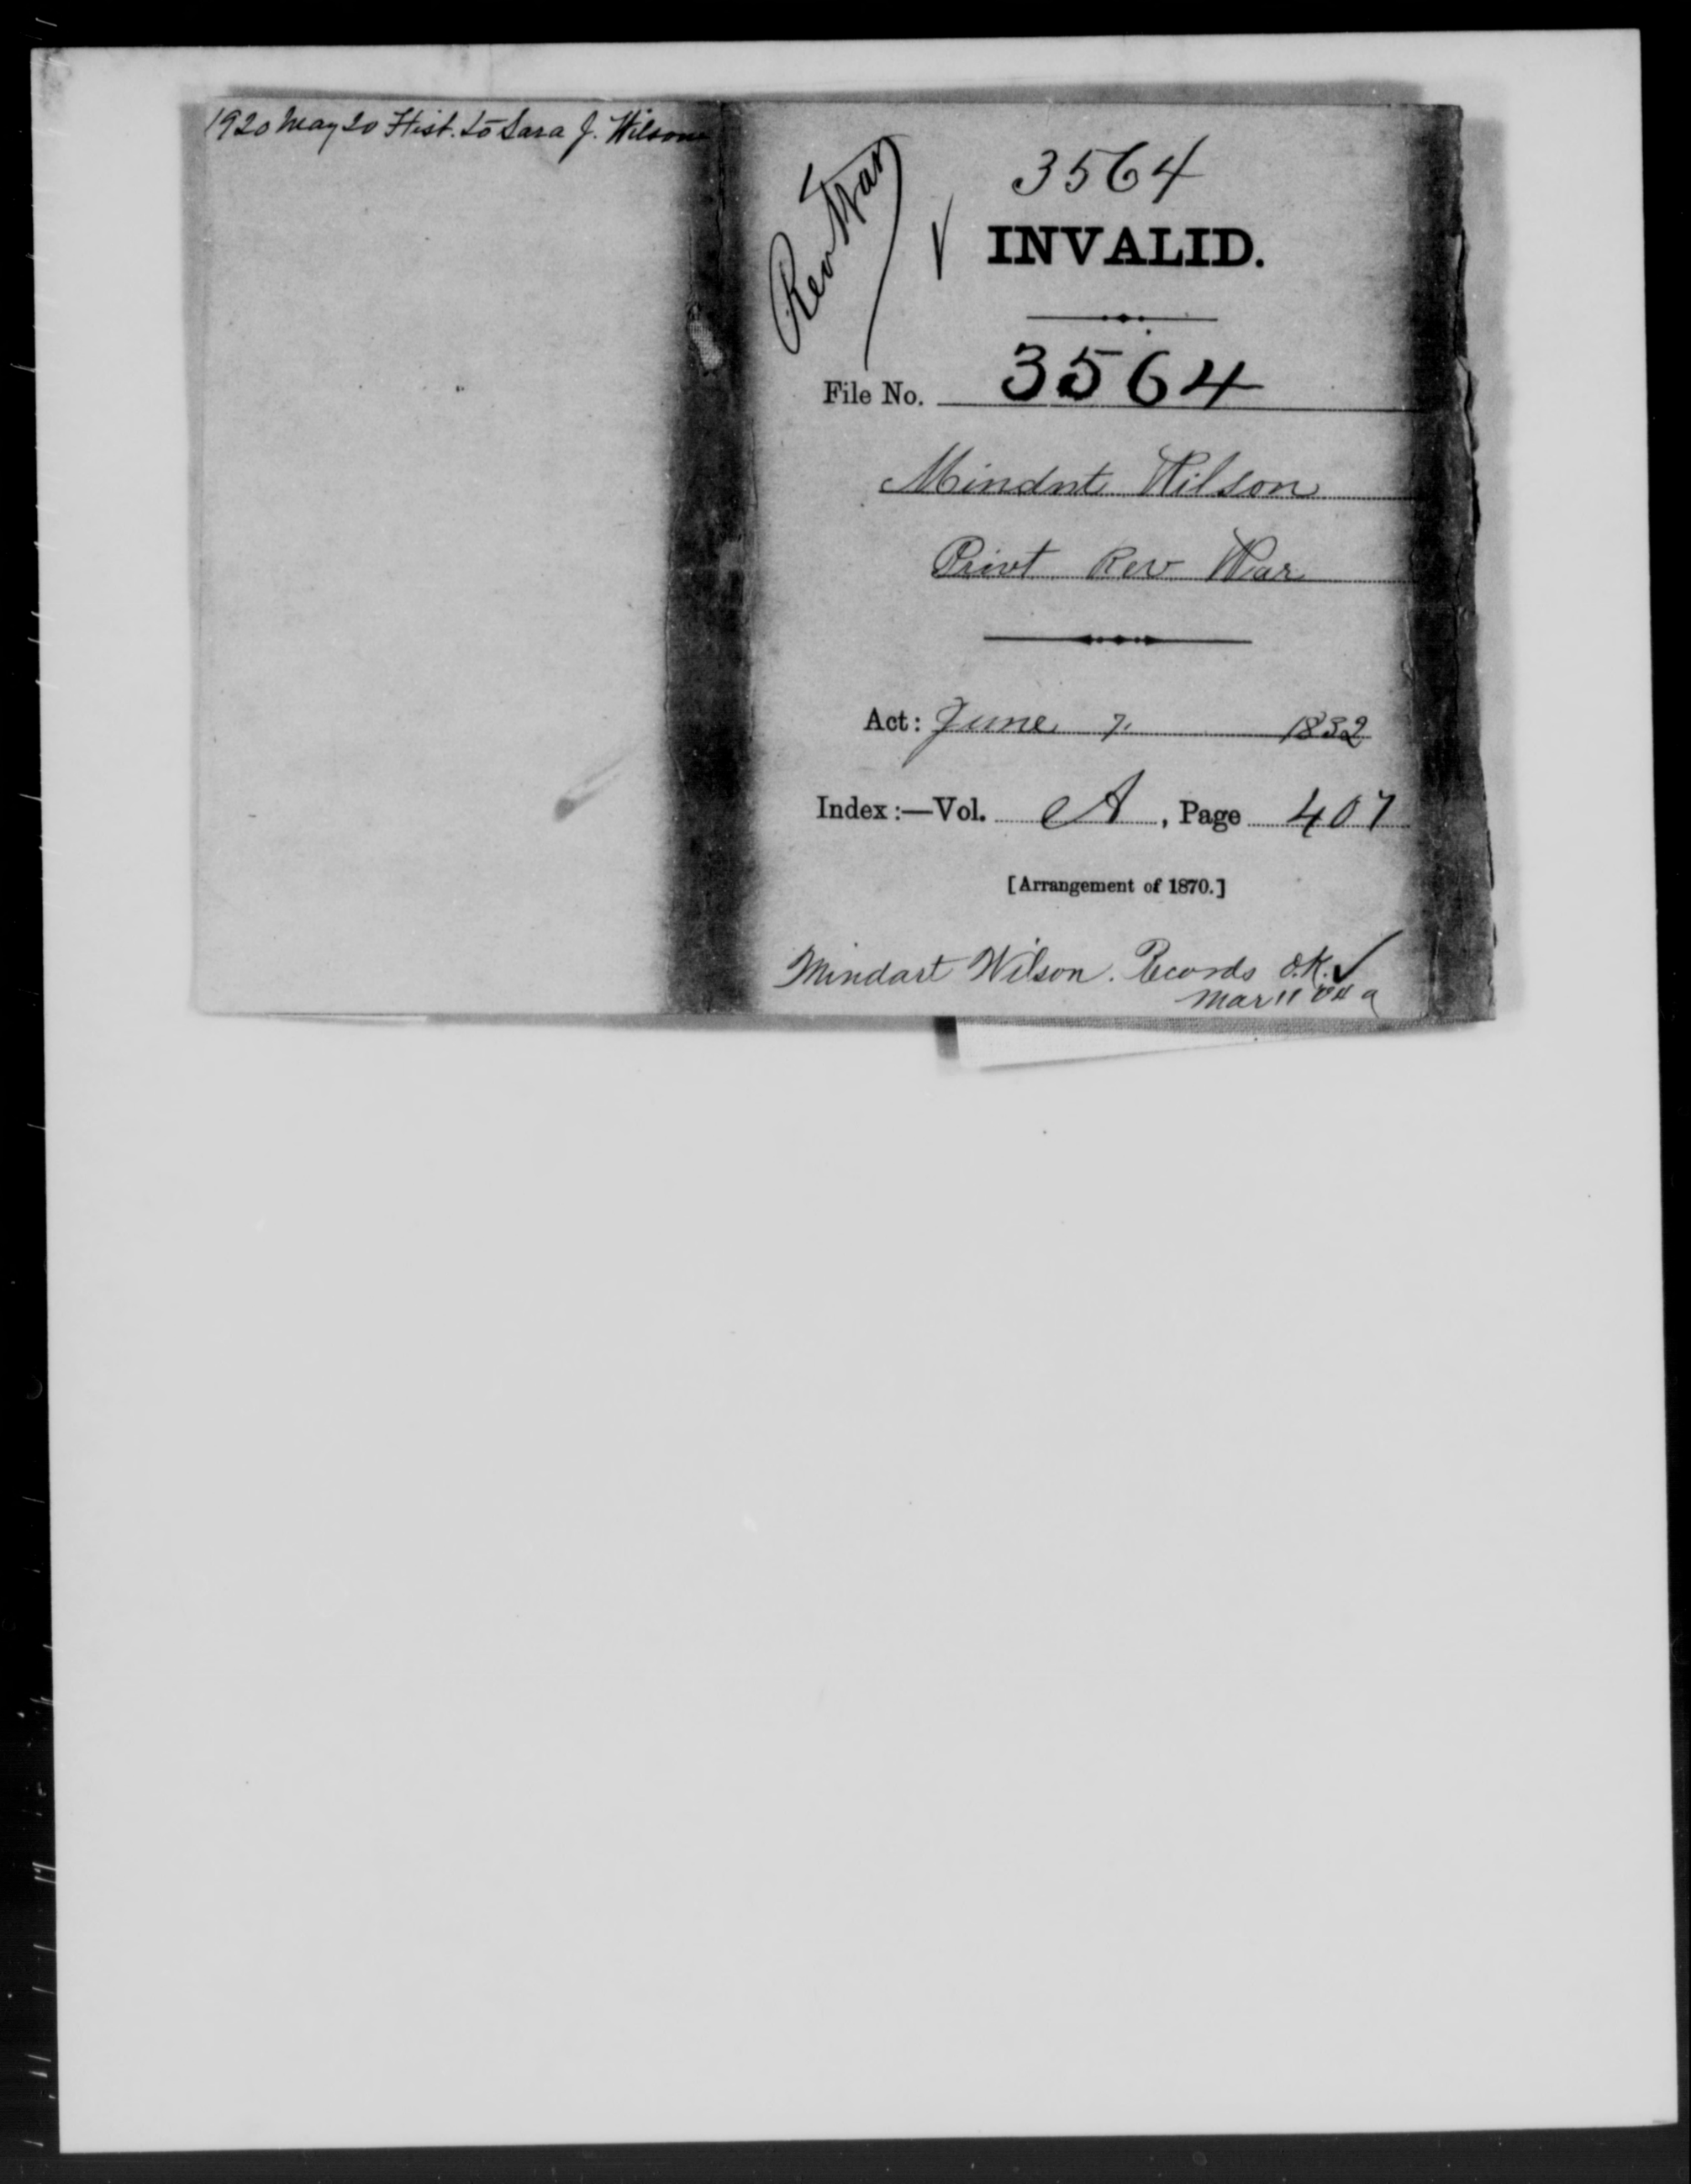[left side]
1920 May 20 Hist. to Sara J. Wilson

[right side]
Rev War
3564
INVALID.
File No. 3564
Mindart Wilson
Privt Rev War
Act: June 7, 1832
Index:-- Vol. A, Page 407
[Arrangement of 1870.]
Mindart Wilson Records O.K.
Mar 11 49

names: Mindart Wilson, Sara J Wilson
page: 14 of 40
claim: survivor's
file: S. 3564, Mindart Wilson, New Jersey